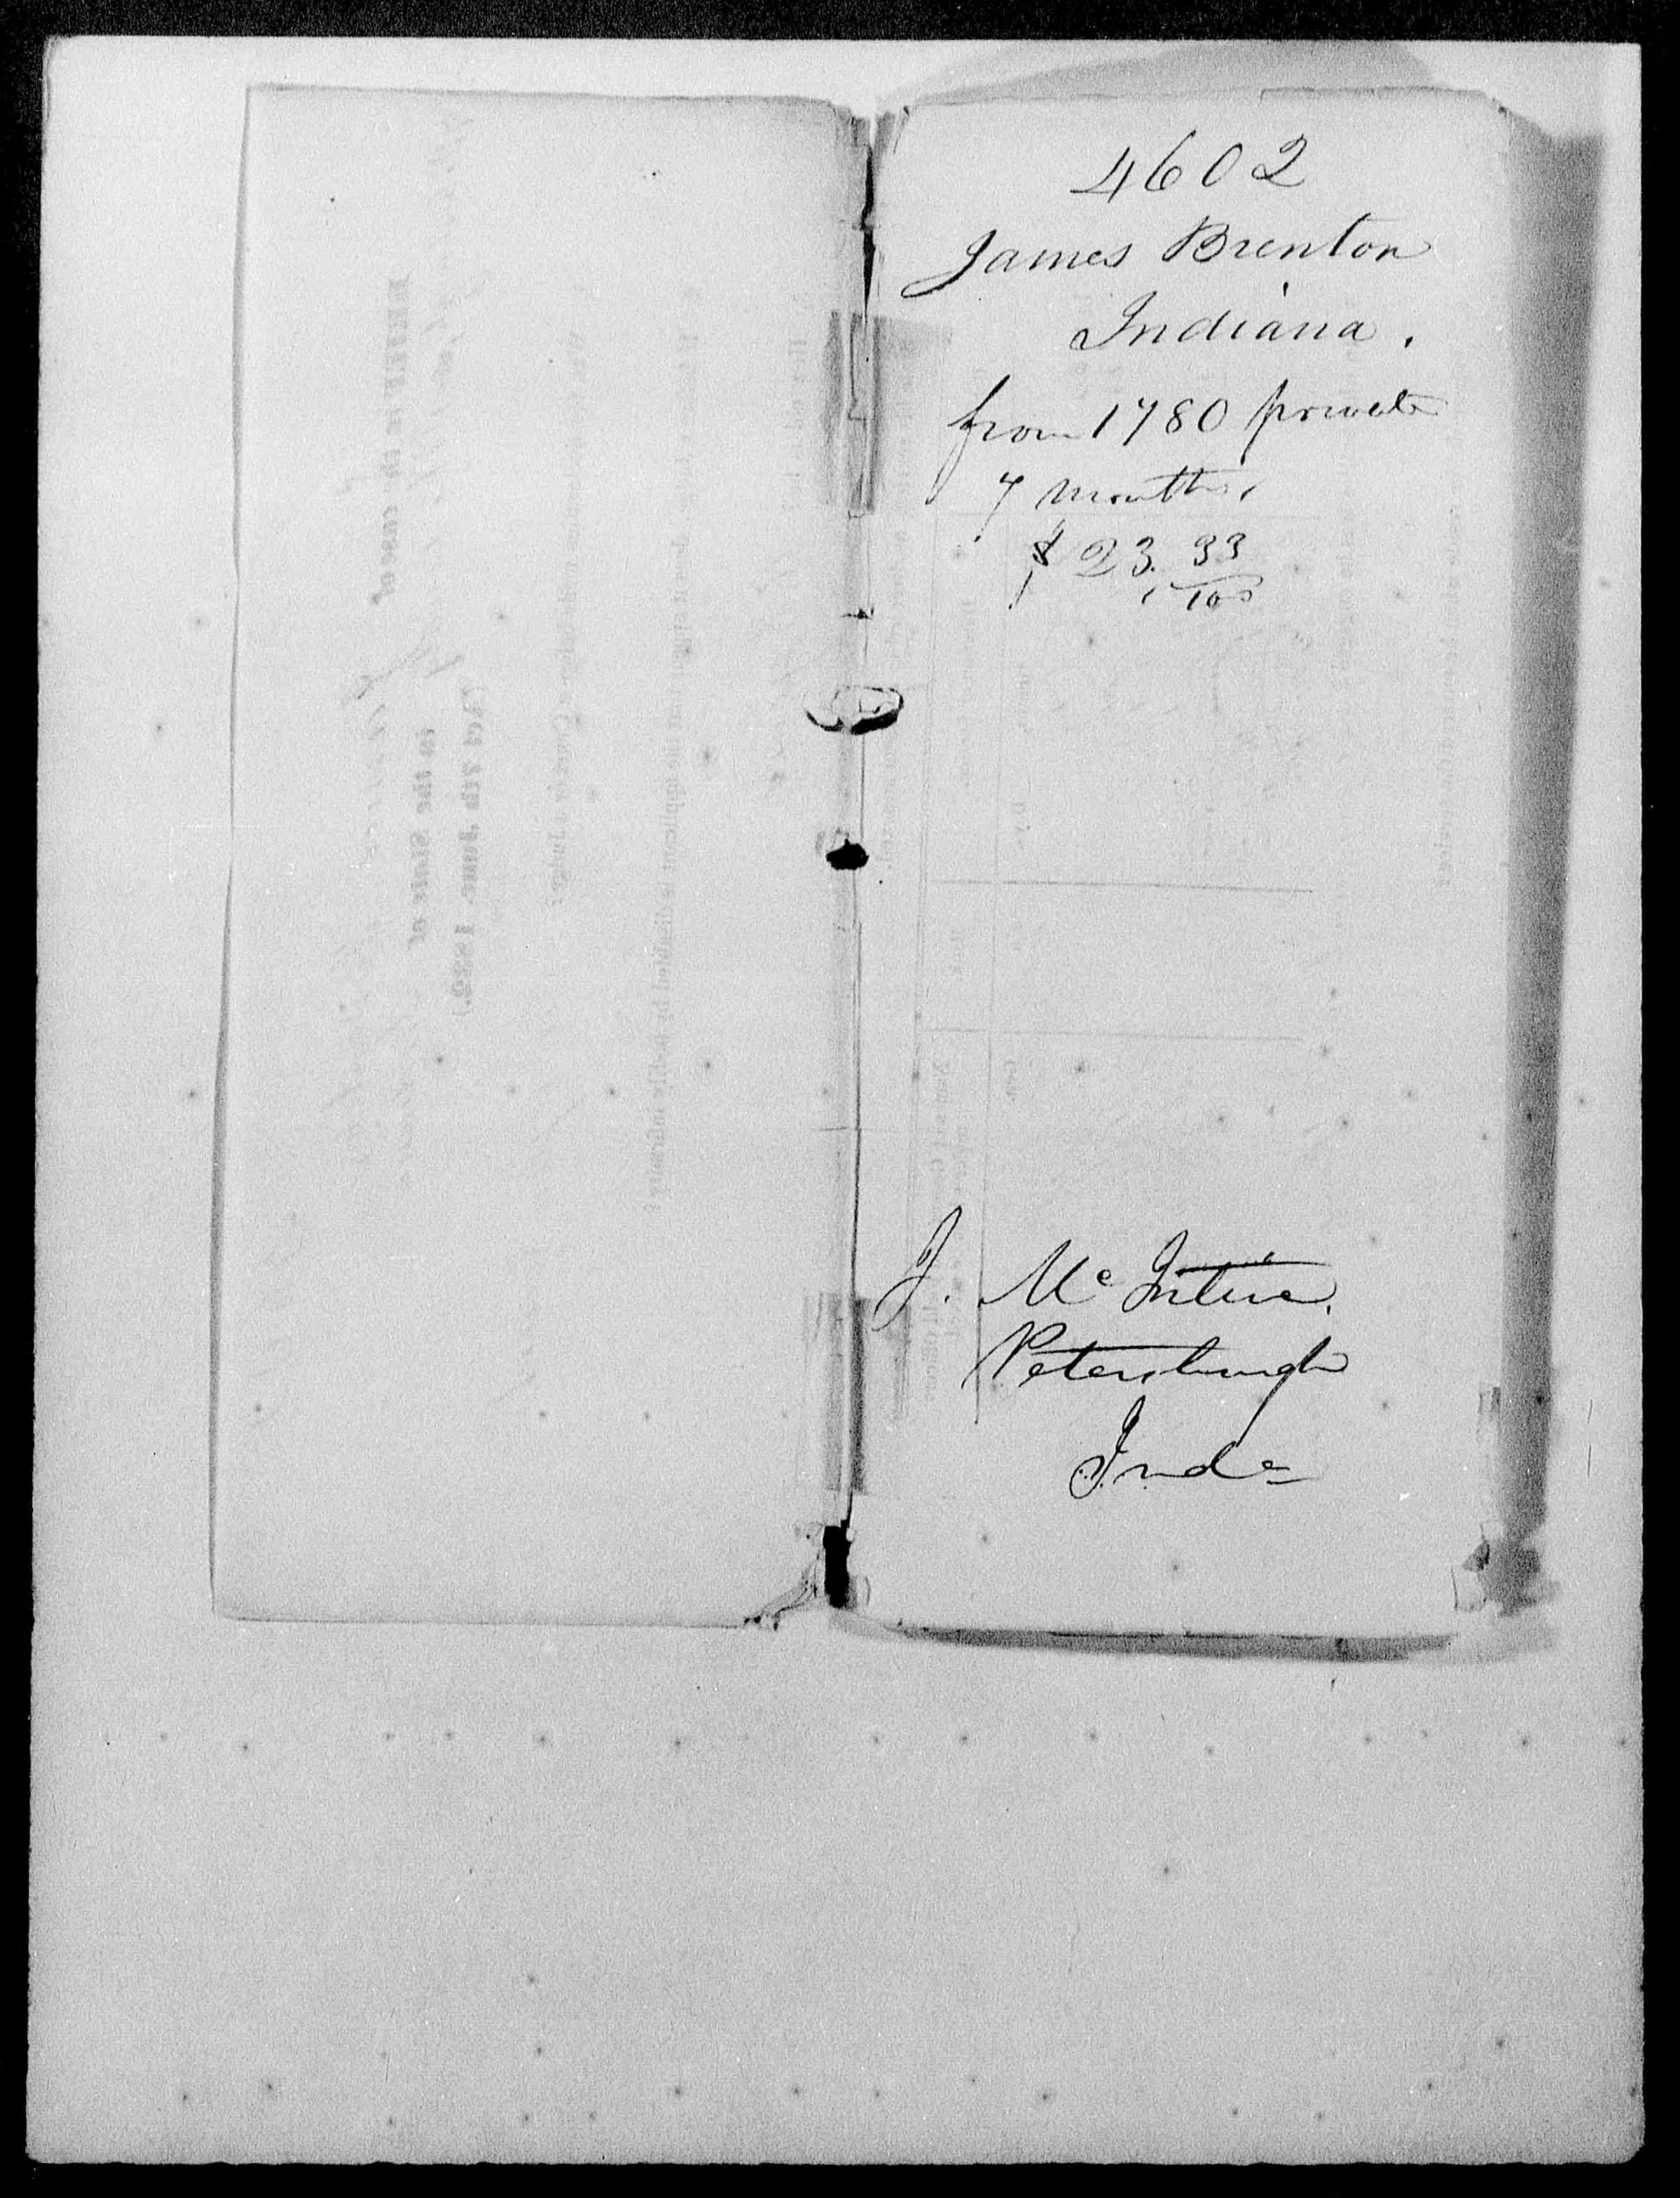4602
James Brenton
Indiana
from 1780 private
7 months
$23.33/100

J. McIntire
Peterburgh
Ind.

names: James Brenton, J Mc Intire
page: 14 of 49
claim: widow's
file: W. 2518, James Brenton, Va.